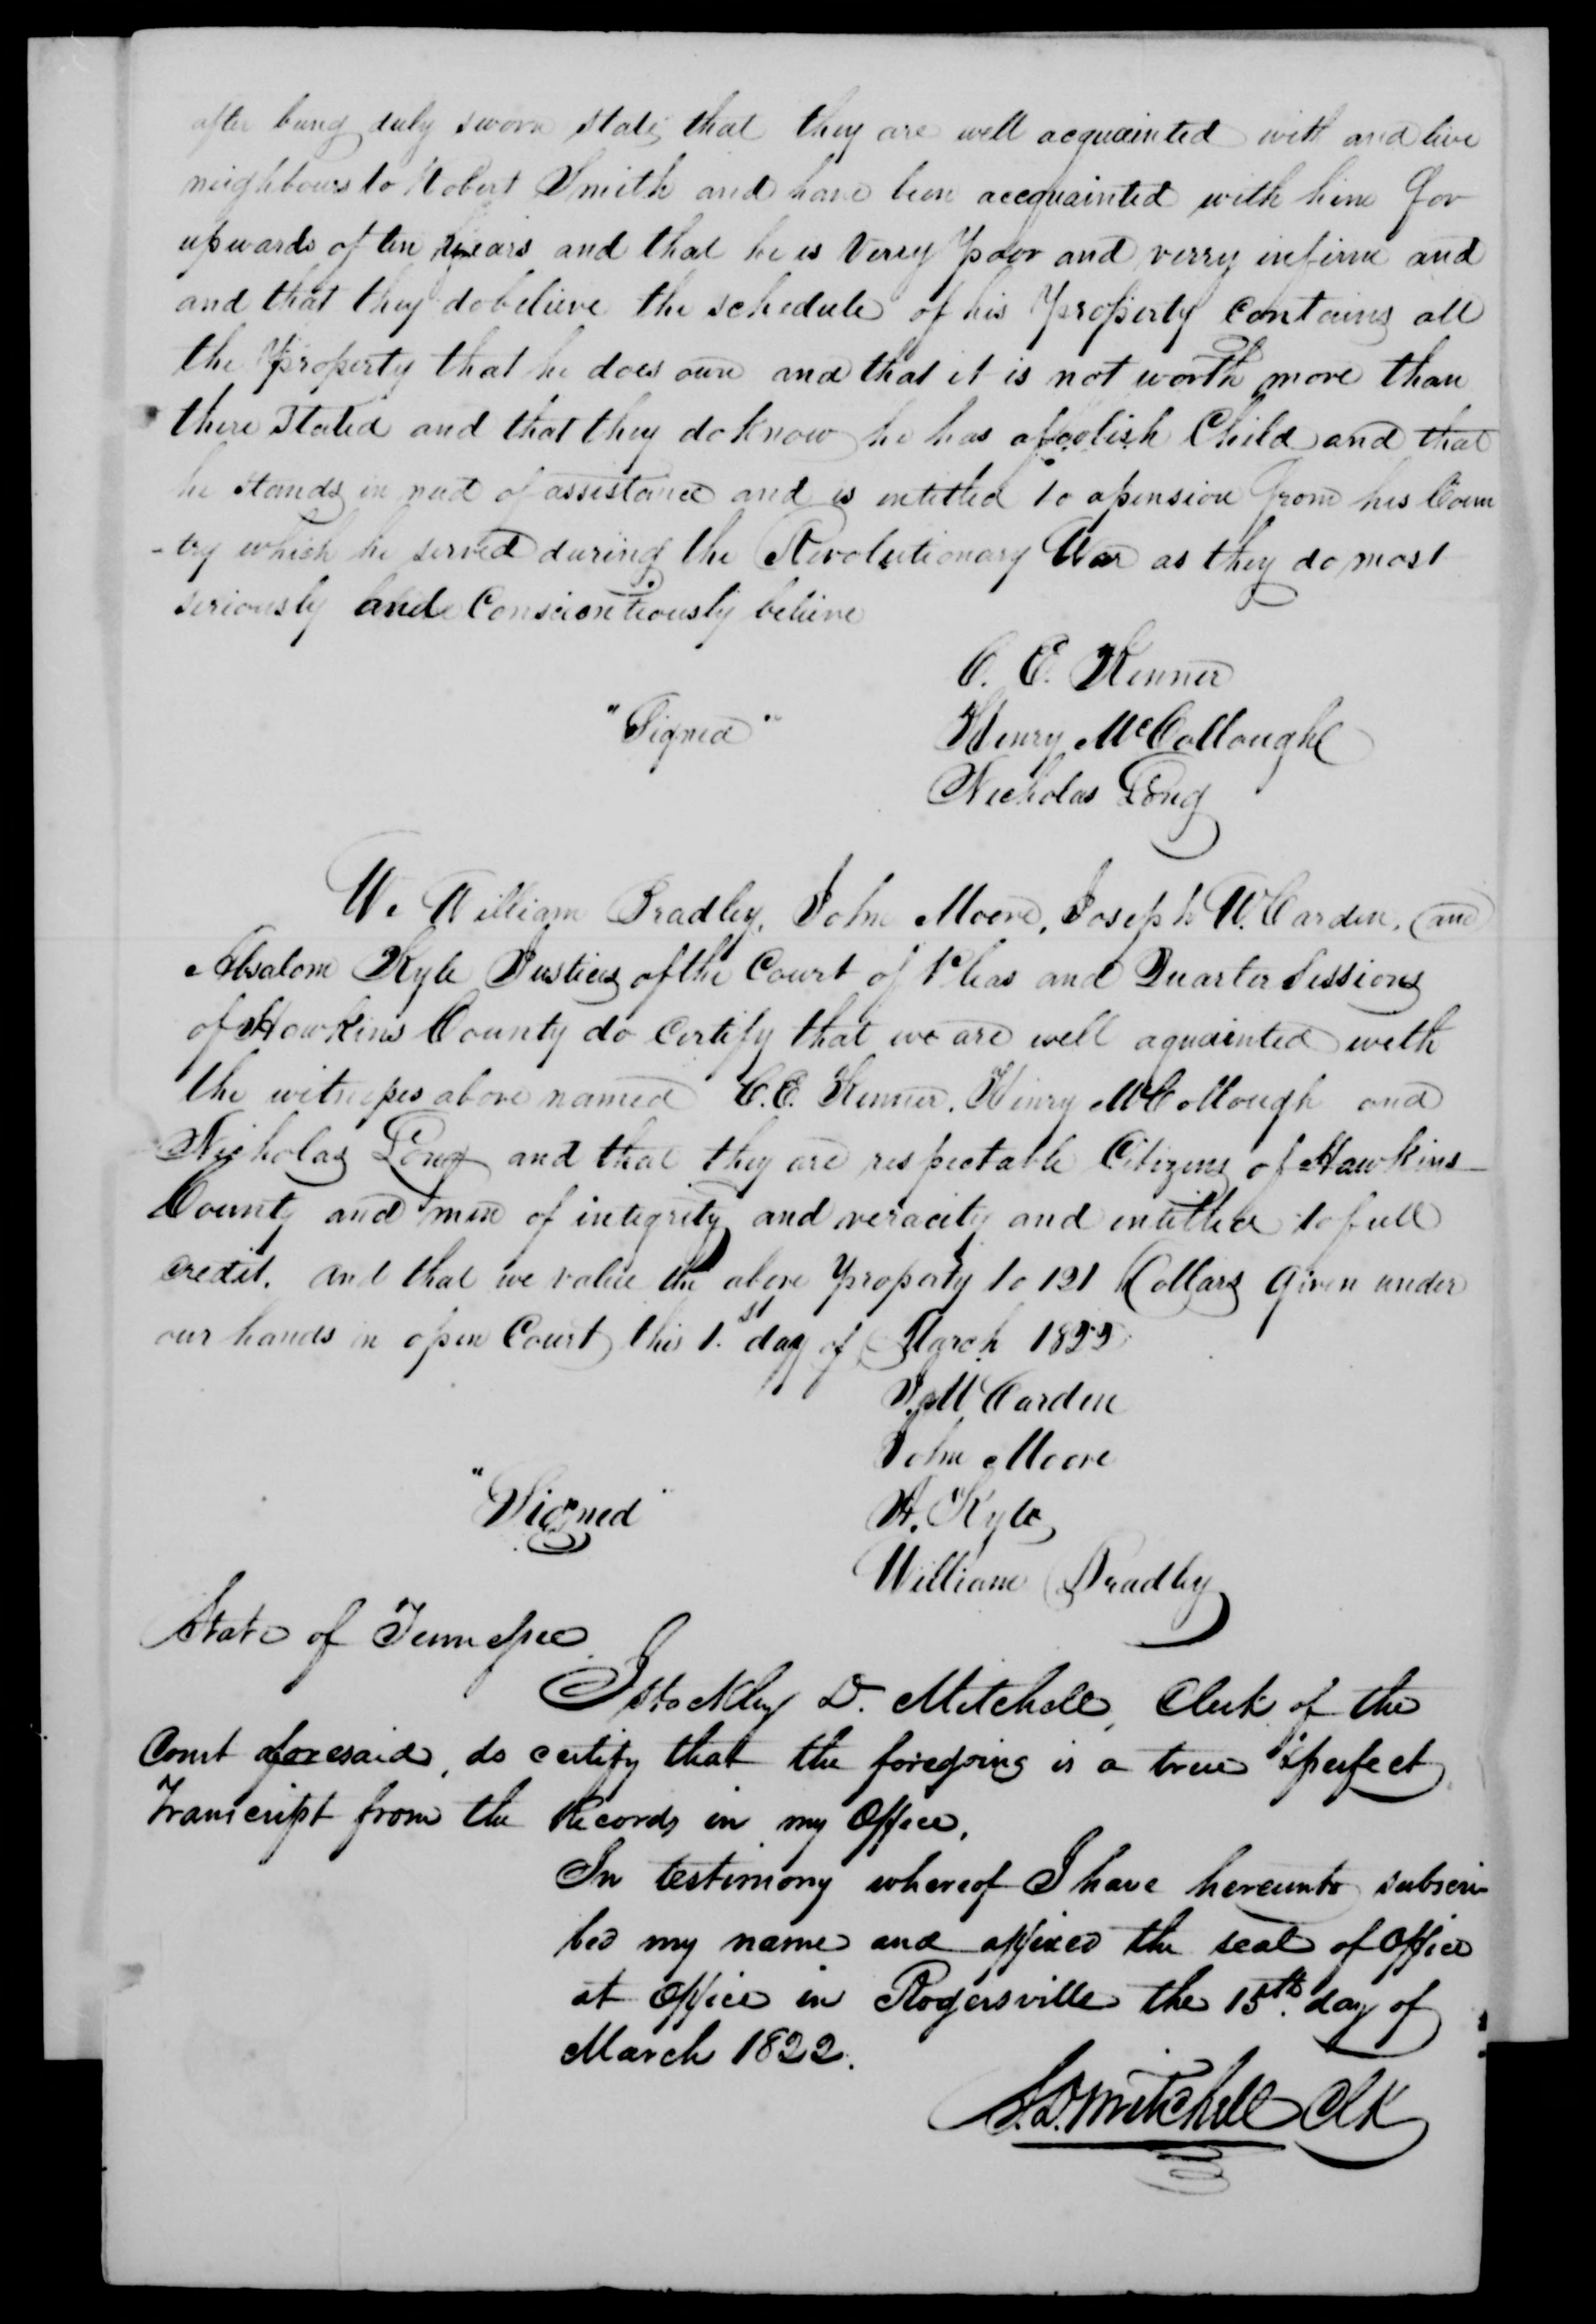after being duly sworn states that they are well acquainted with and live neighbours to Robert Smith and have been accquainted with him for upwards of ten years and that he is very poor and verry infirm and and that they do believe the schedule of his property contains all the property that he does own and that it is not worth more than there stated and that they do know he has a foolish child and that he stands in need of assistance and is entitled to a pension from his country which he served during the Revolutionary War as they do most seriously and consciontiously believe
"Signed" C E Kenner
Henry Mc Collough
Nicholas Long

We William Bradley, John Moore, Joseph McCarden and Absalom Kyle Justices of the court of Pleas and Quarter Sessions of Hawkins County do certify that we are well acquainted with the witness above named C E Kenner Henry McCollough and Nicholas Long and that they are respectable citizens of Hawkins County and men of integrity and veracity and entitled to full credit and that we value the above property to 121 Dollars given under our hands in open court this 1st day of March 1822
"Signed"

J Mc Carden
John Moore
A Kyle
William Bradley

State of Tennessee
I Stockley D Mitchell clerk of the court foresaid do certify that the foregoing is a true & perfect transcript from the records in my office
In testimony where of I have hereunto subscribed my name and affixed the seal of office at office in Rogersville the 15th day of March 1822
S D Mitchell clk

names: Stockley D Mitchell; William Bradley; John Moore; Nicholas Long; C E Kenner; Henry Mc Collough; Henry Mc Collough; J Mc Carden; A Kyle; S D Mitchell; Nicholas Long; Joseph Mc Cardell; Absalom Kyle; William Bradley; C E Kenner; John Moore; Robert Smith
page: 9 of 79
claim: widow's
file: W. 1504, for Robert Smith, North Carolina